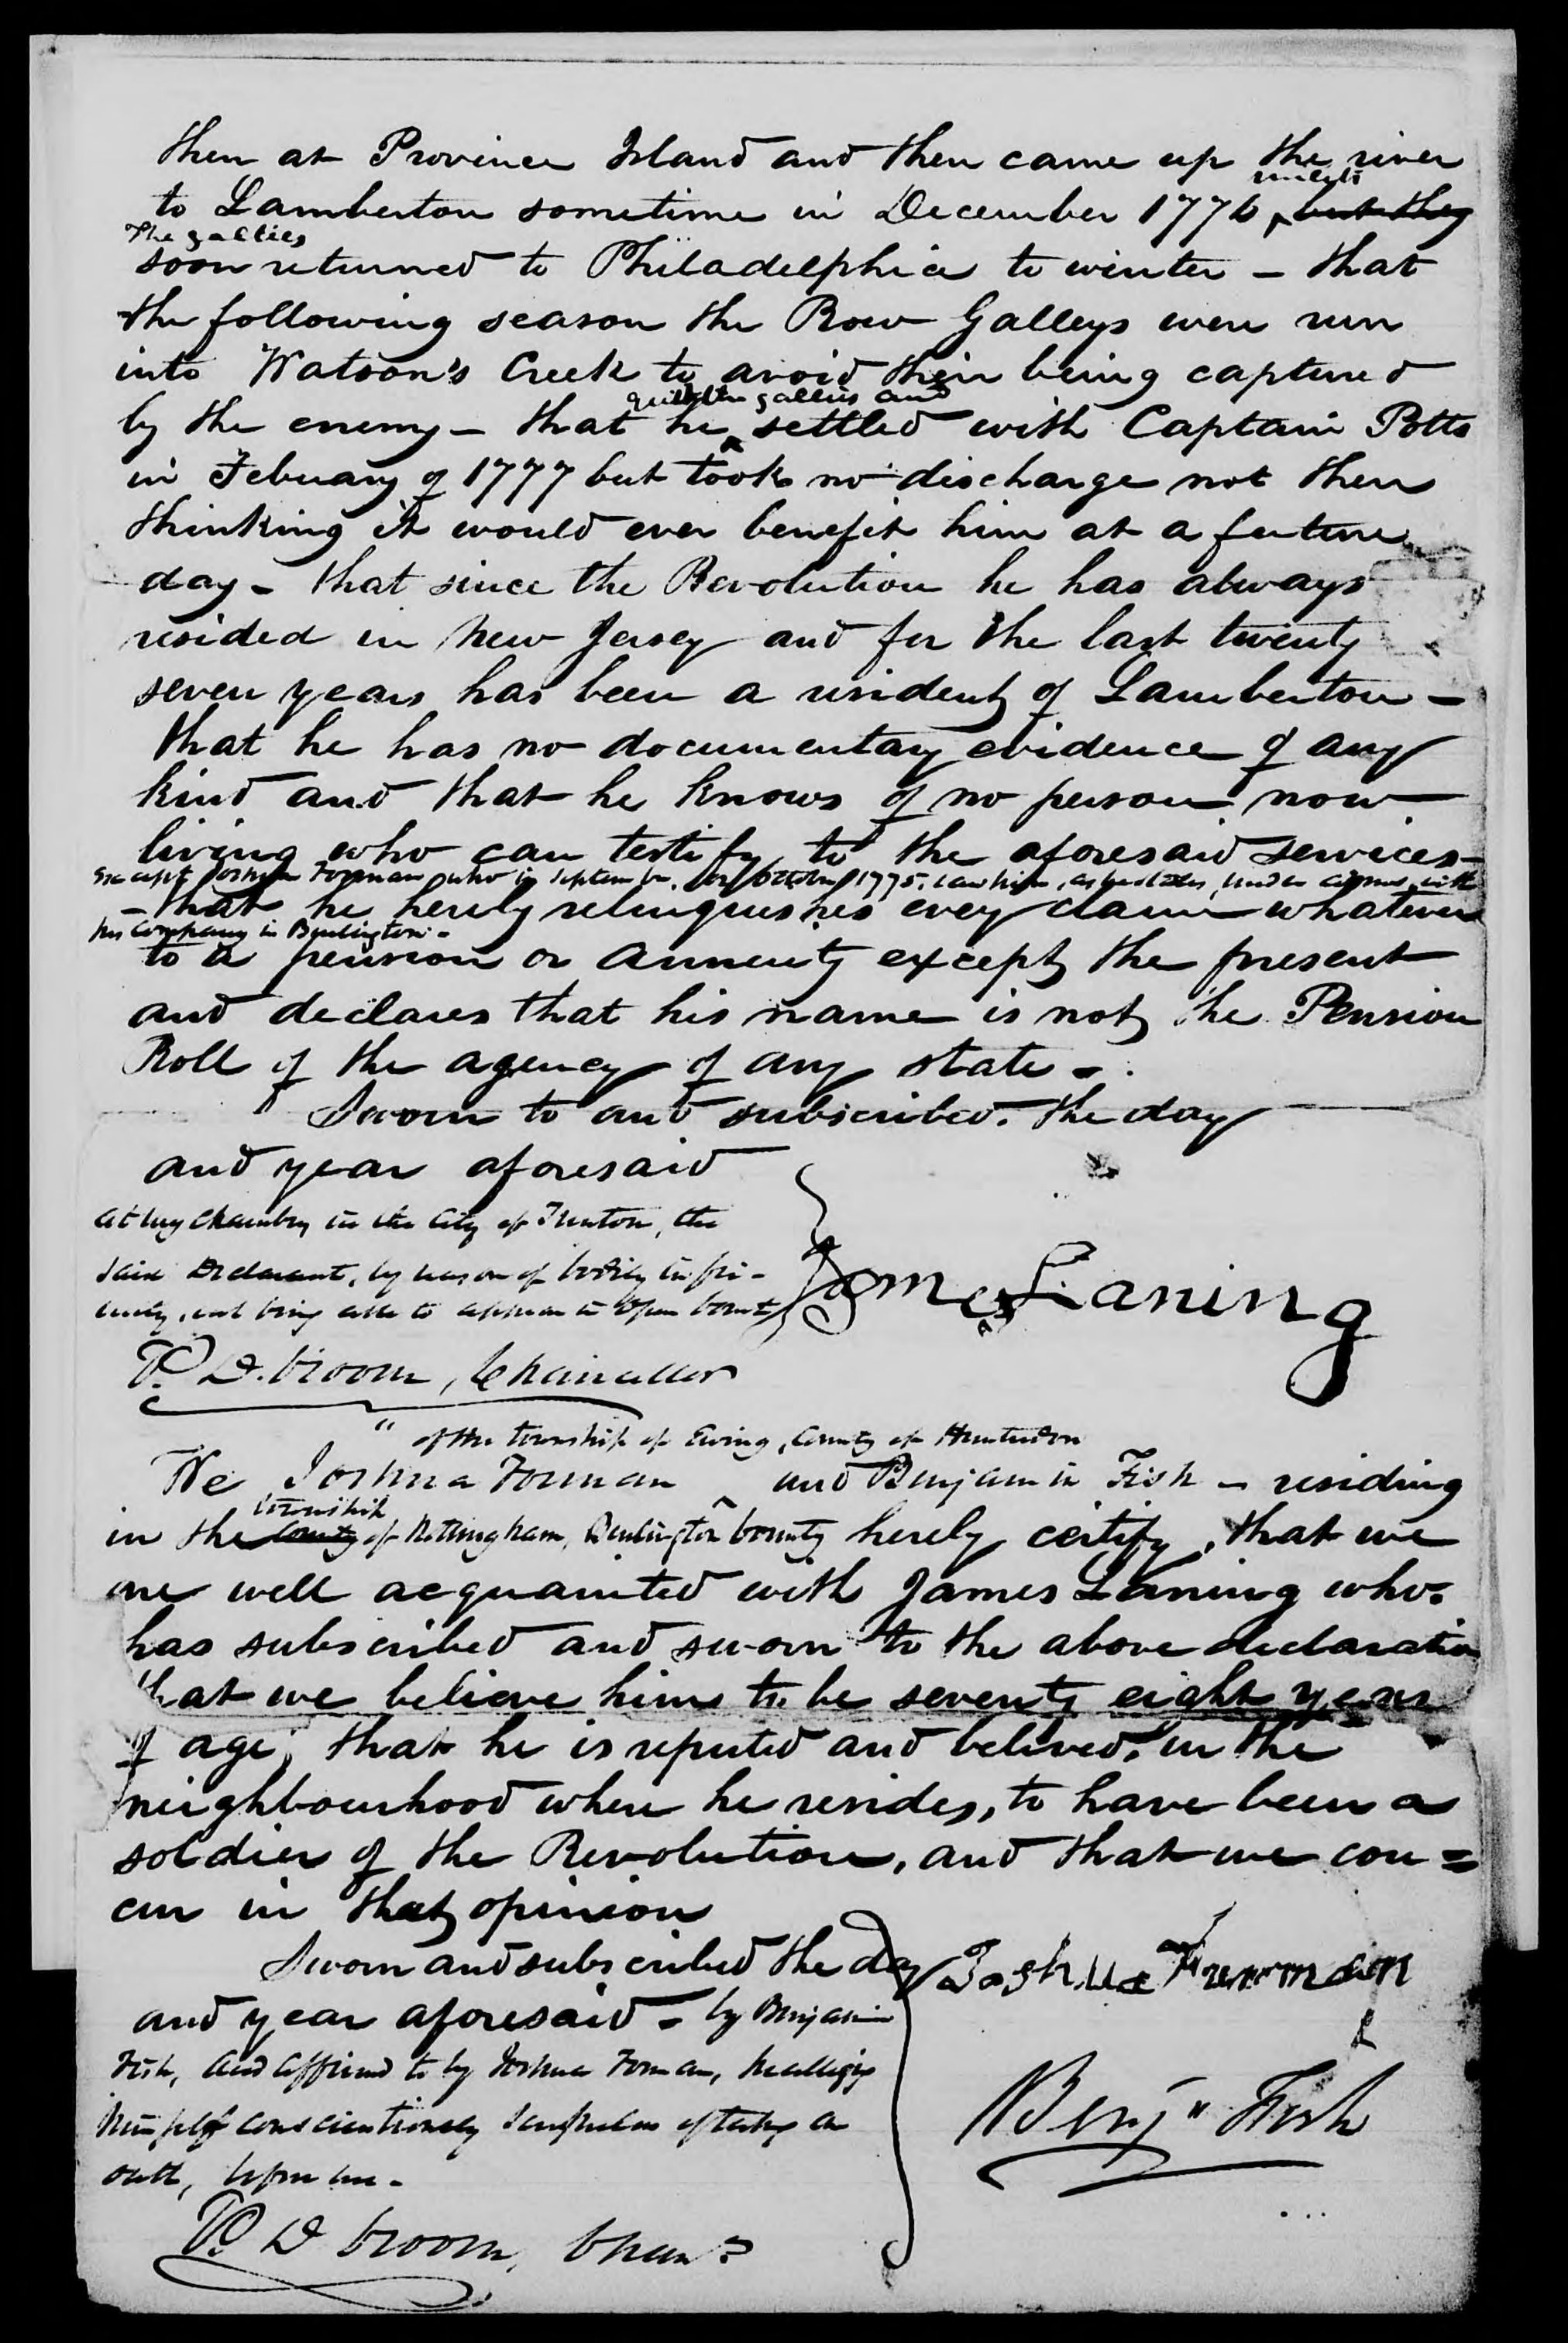then at Province Island and then came up the river to Lamberton sometime in December 1776 [illegible].  The gallies soon returned to Philadelphia to winter - that the following season the Row Galleys were run into Watson's Creek to avoid their being captured by the enemy - that he quit the gallies and settled with Captain Potts in February of 1777 but took no discharge not then thinking it would ever benefit him at a future day_ that since the Revolution he has always resided in New Jersey and for the last twenty seven years has been a resident of Lamberton_ that he has no documentary evidence of any kind and that he knows of no person now living who can testify to the aforesaid services_except Joshua Forman who in September or October 1775, saw him, as [illegible], under arms with his company in Burlington _ that he hereby relinquishes any claim whatever to a pension or annuity except the present and declares that his name is not the Pension Roll of the agency of any state_
James Laning
Sworn to and subscribed the day}
and year aforesaid}
at my Chamber in the City of Trenton, the}
said Declarant, by reason of bodily infirmity,}
not being able to appear in Open Court}
P. D. Vroom, Chanceller}
of the township of Ewing, County of Hunterdon

We Joshua Forman and Benjamin Fish - residing in the township of Nottingham, Burlington County hereby certify that we are well acquainted with James Laning who has subscribed and sworn to the above declaration that we believe him to be seventy eight years of age, that he is reputed and believed in the neighbourhood where he resides, to have been a soldier of the Revolution, and that we concur in that opinion
Joshua Furman
Benj.. Fish
Sworn and subscribed the day}
and year aforesaid, by Benjamin}
Fish, and affirmed to by Joshua Forman, }he alleging himself conscientiously scrupulous of taking an oath, before me.
P. D Vroom, Chan.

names: [BLANK] Potts; James Laning; Joshua Furman; P D Vroom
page: 8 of 39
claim: rejected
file: R. 6154, for James Laning, New Jersey